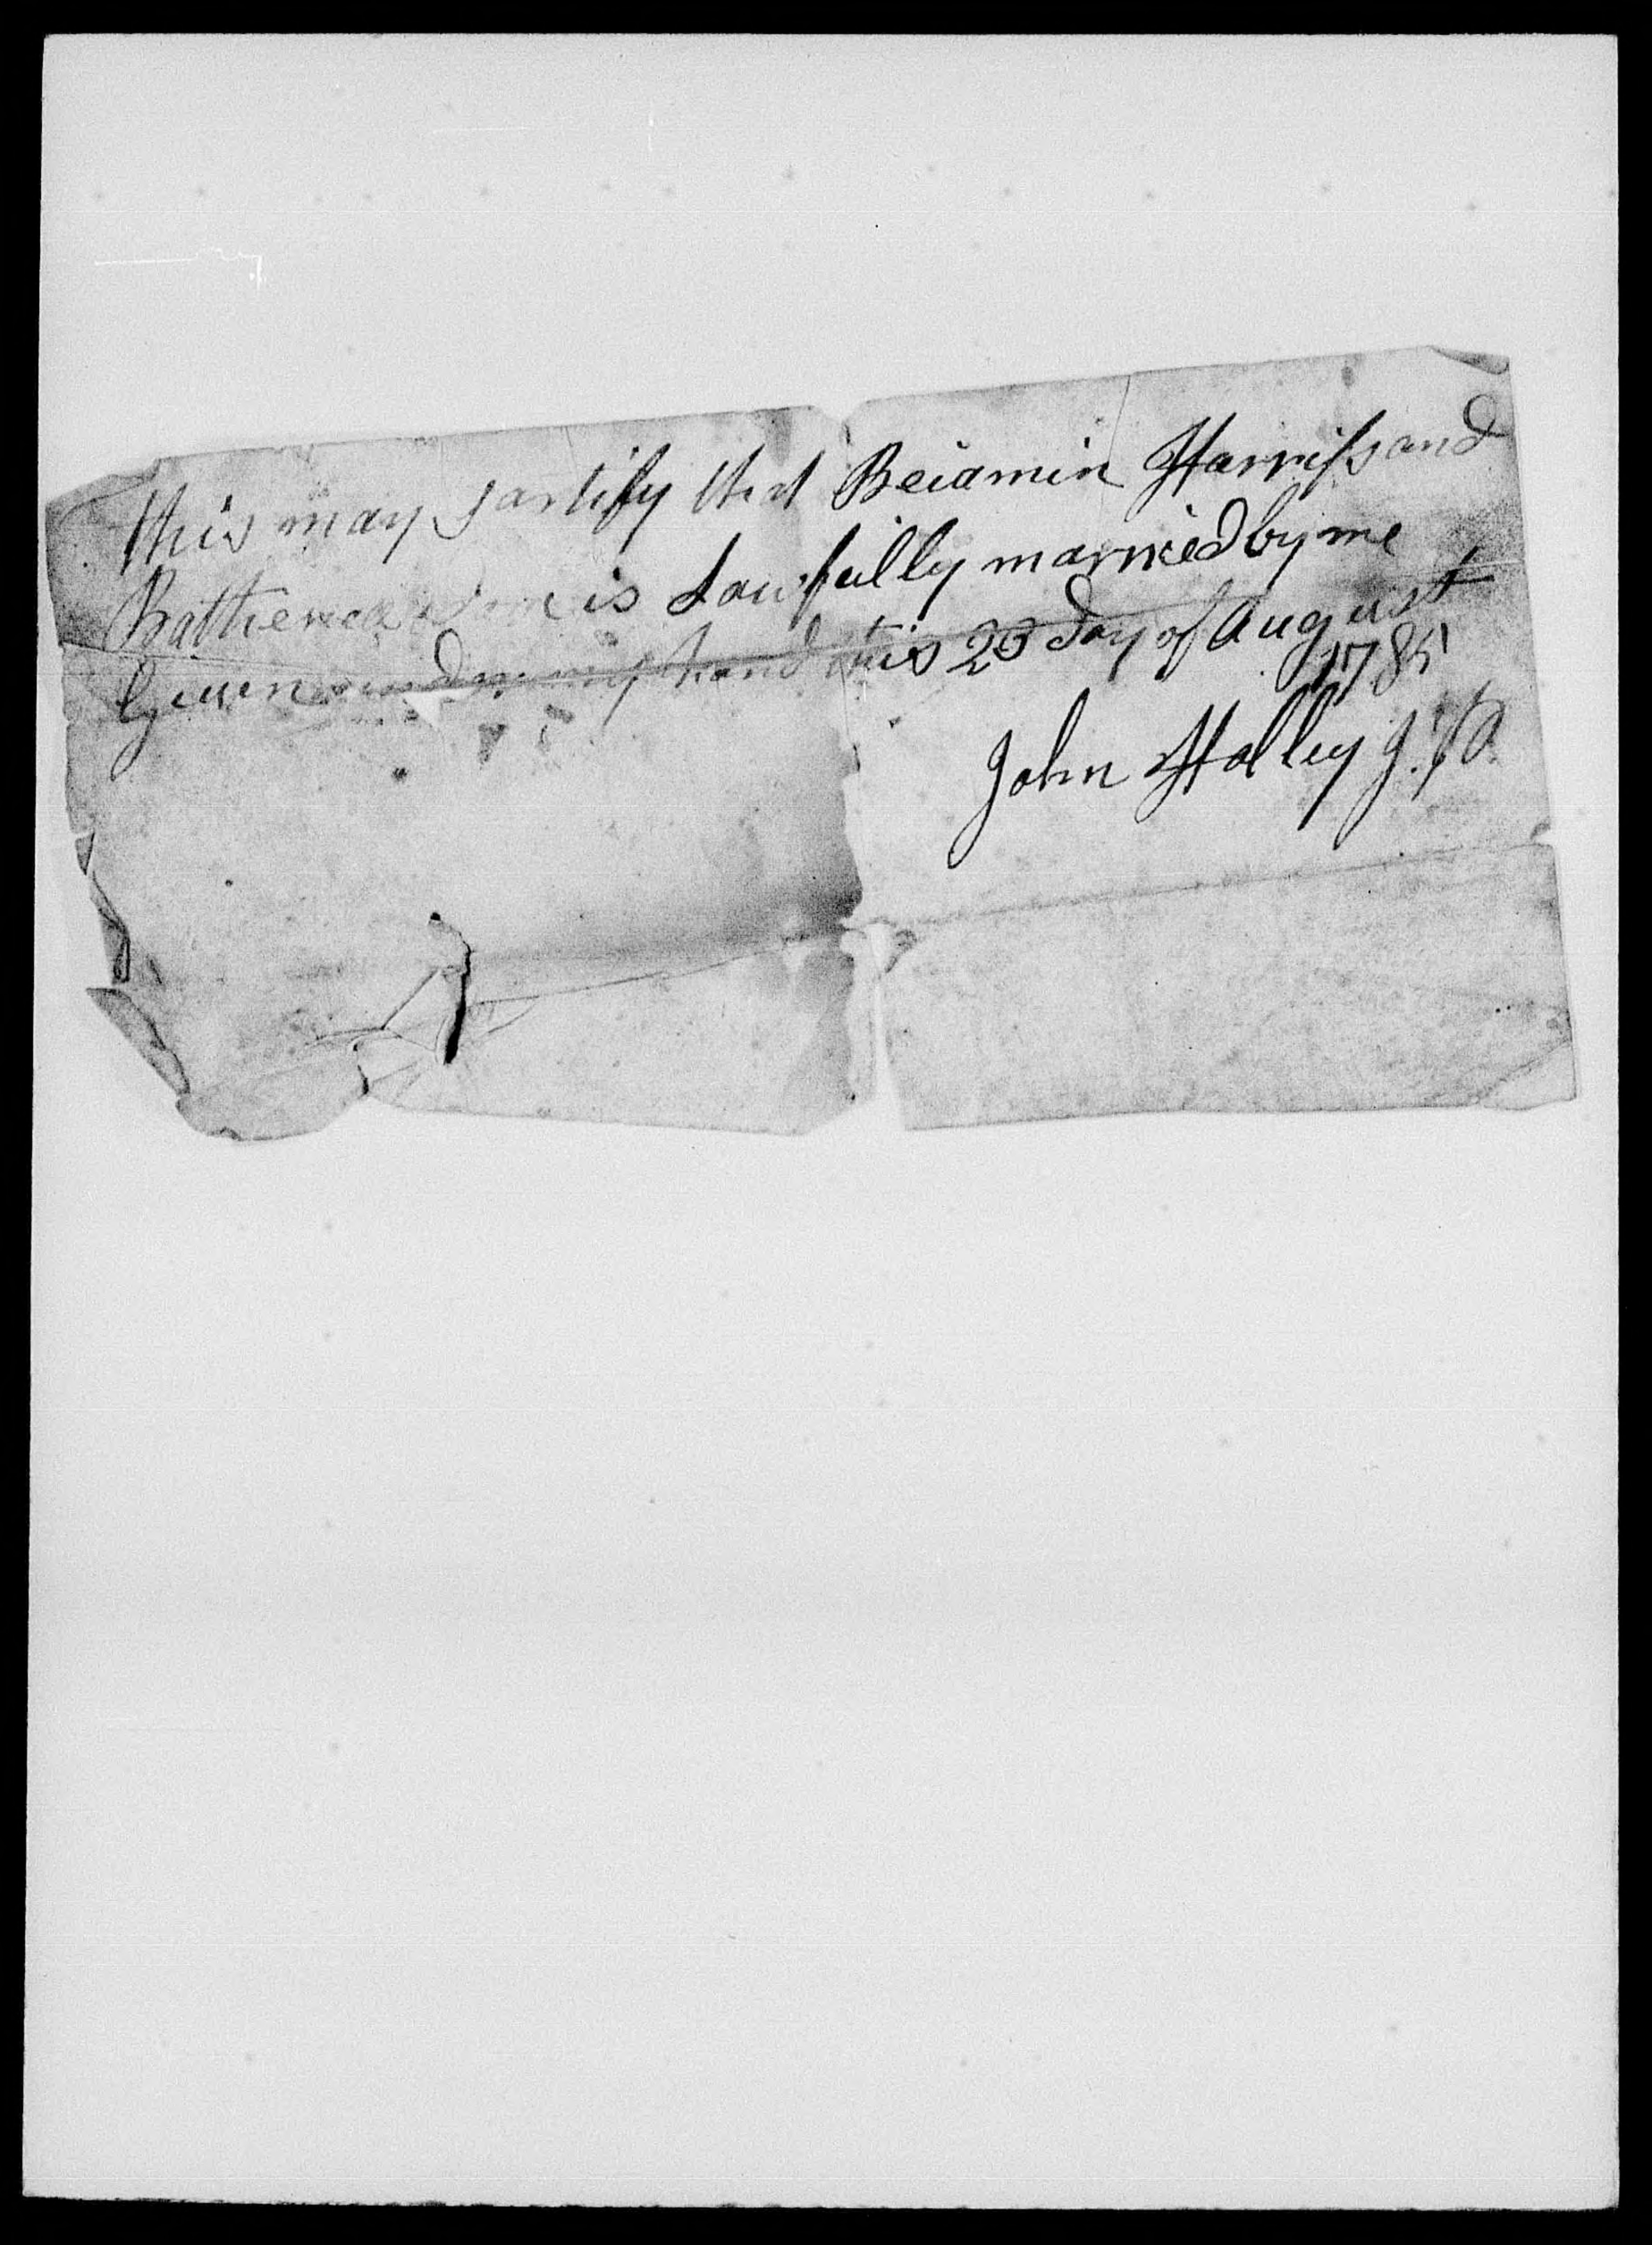this may certify that Benjamin Harriss and Bathena Harris is lawfully married by me 

Given by my hand hand this 23 day of August 1785
John Holley J P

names: Beiamin Harriss, Bathemell Harris, John Holley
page: 21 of 62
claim: survivor's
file: S. 38816, Benjamin Harris, Mass.